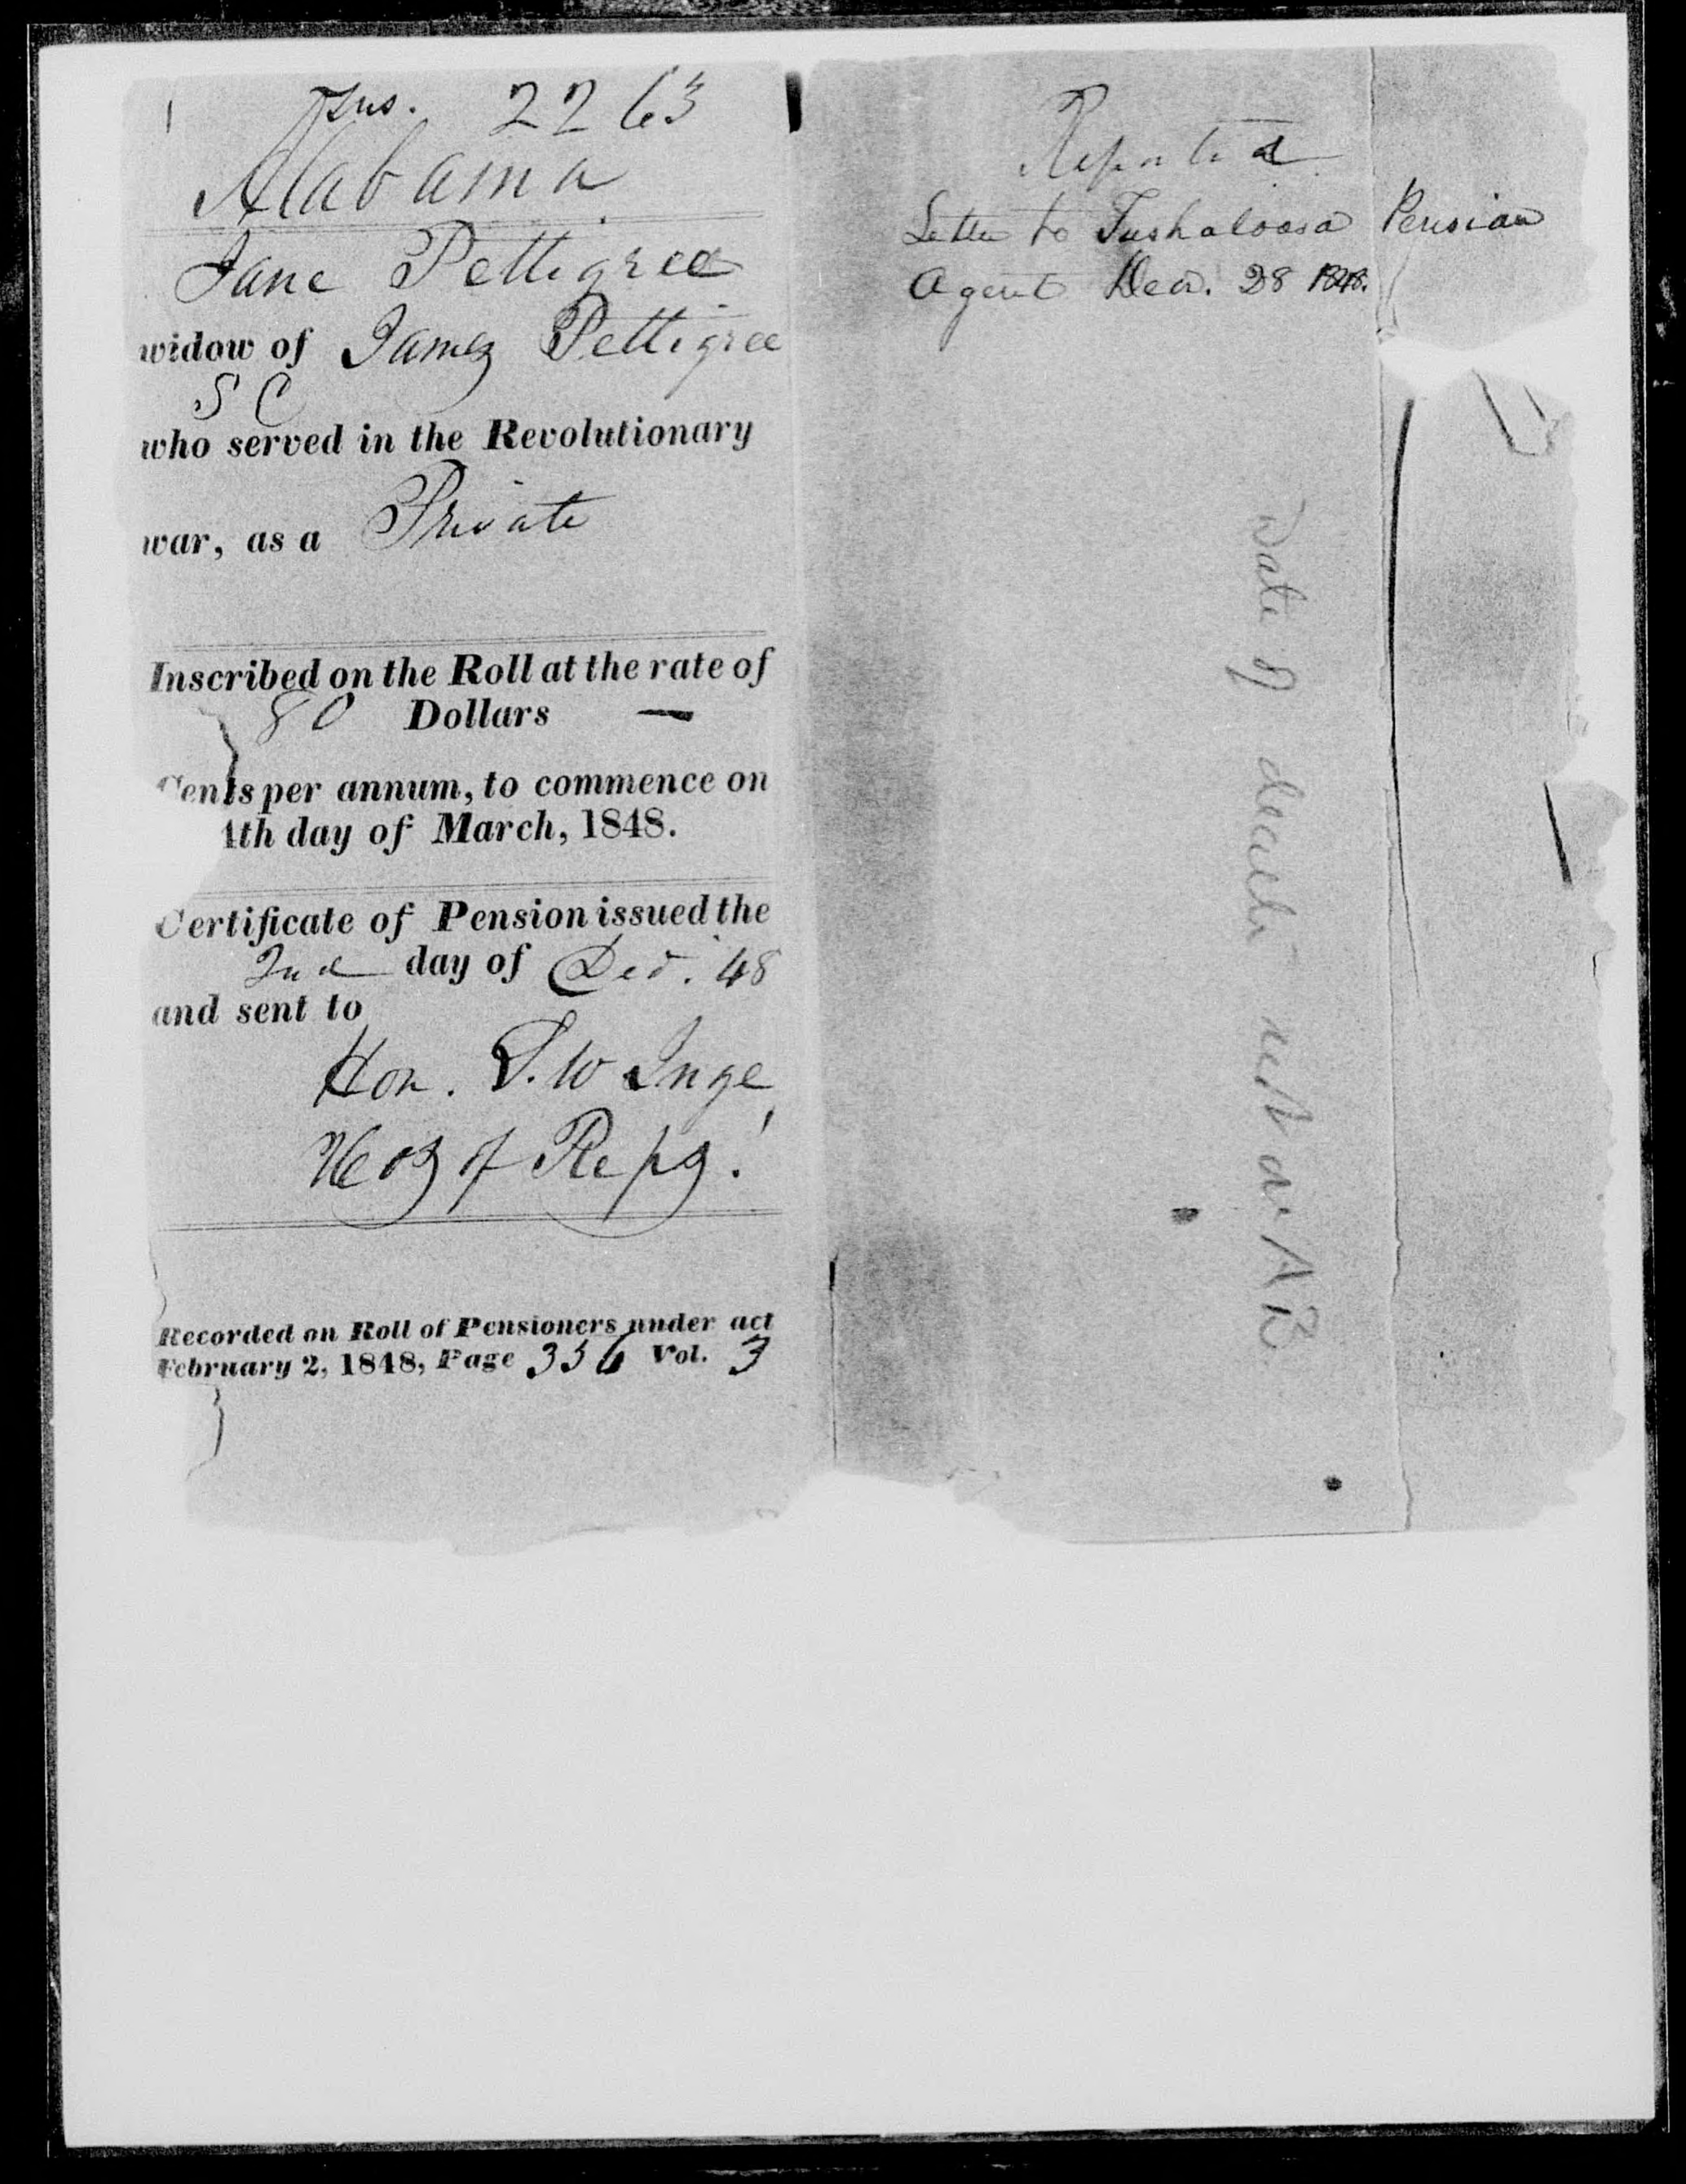[typed form, with handwritten responses]
[left side of page]
1 Tus. 2263
Alabama

Jane Pettigrew
widow of James Pettigrew SC who served in the Revolutionary war, as a Private

Inscribed on the Roll at the rate of 8- Dollars 0 Cents per annum, to commence on 4t day of March, 1848.

Certificate of Pension issued 2nd day of Dec. '48 and sent to Hon. S.W Inge
Hous of Reps.

Recorded on Roll of Pensioners under act February 2, 1848, Page 356 Vol. 3

[right side of page]
Reported
Letter to Tushaloosa [Tuscaloosa] Pension Agent Dec. 28 1848.

Date of death - [illegible]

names: James Pettigree; S W Inge; Jane Pettigree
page: 3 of 92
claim: widow's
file: W. 5522, for James Pettigrew, South Carolina